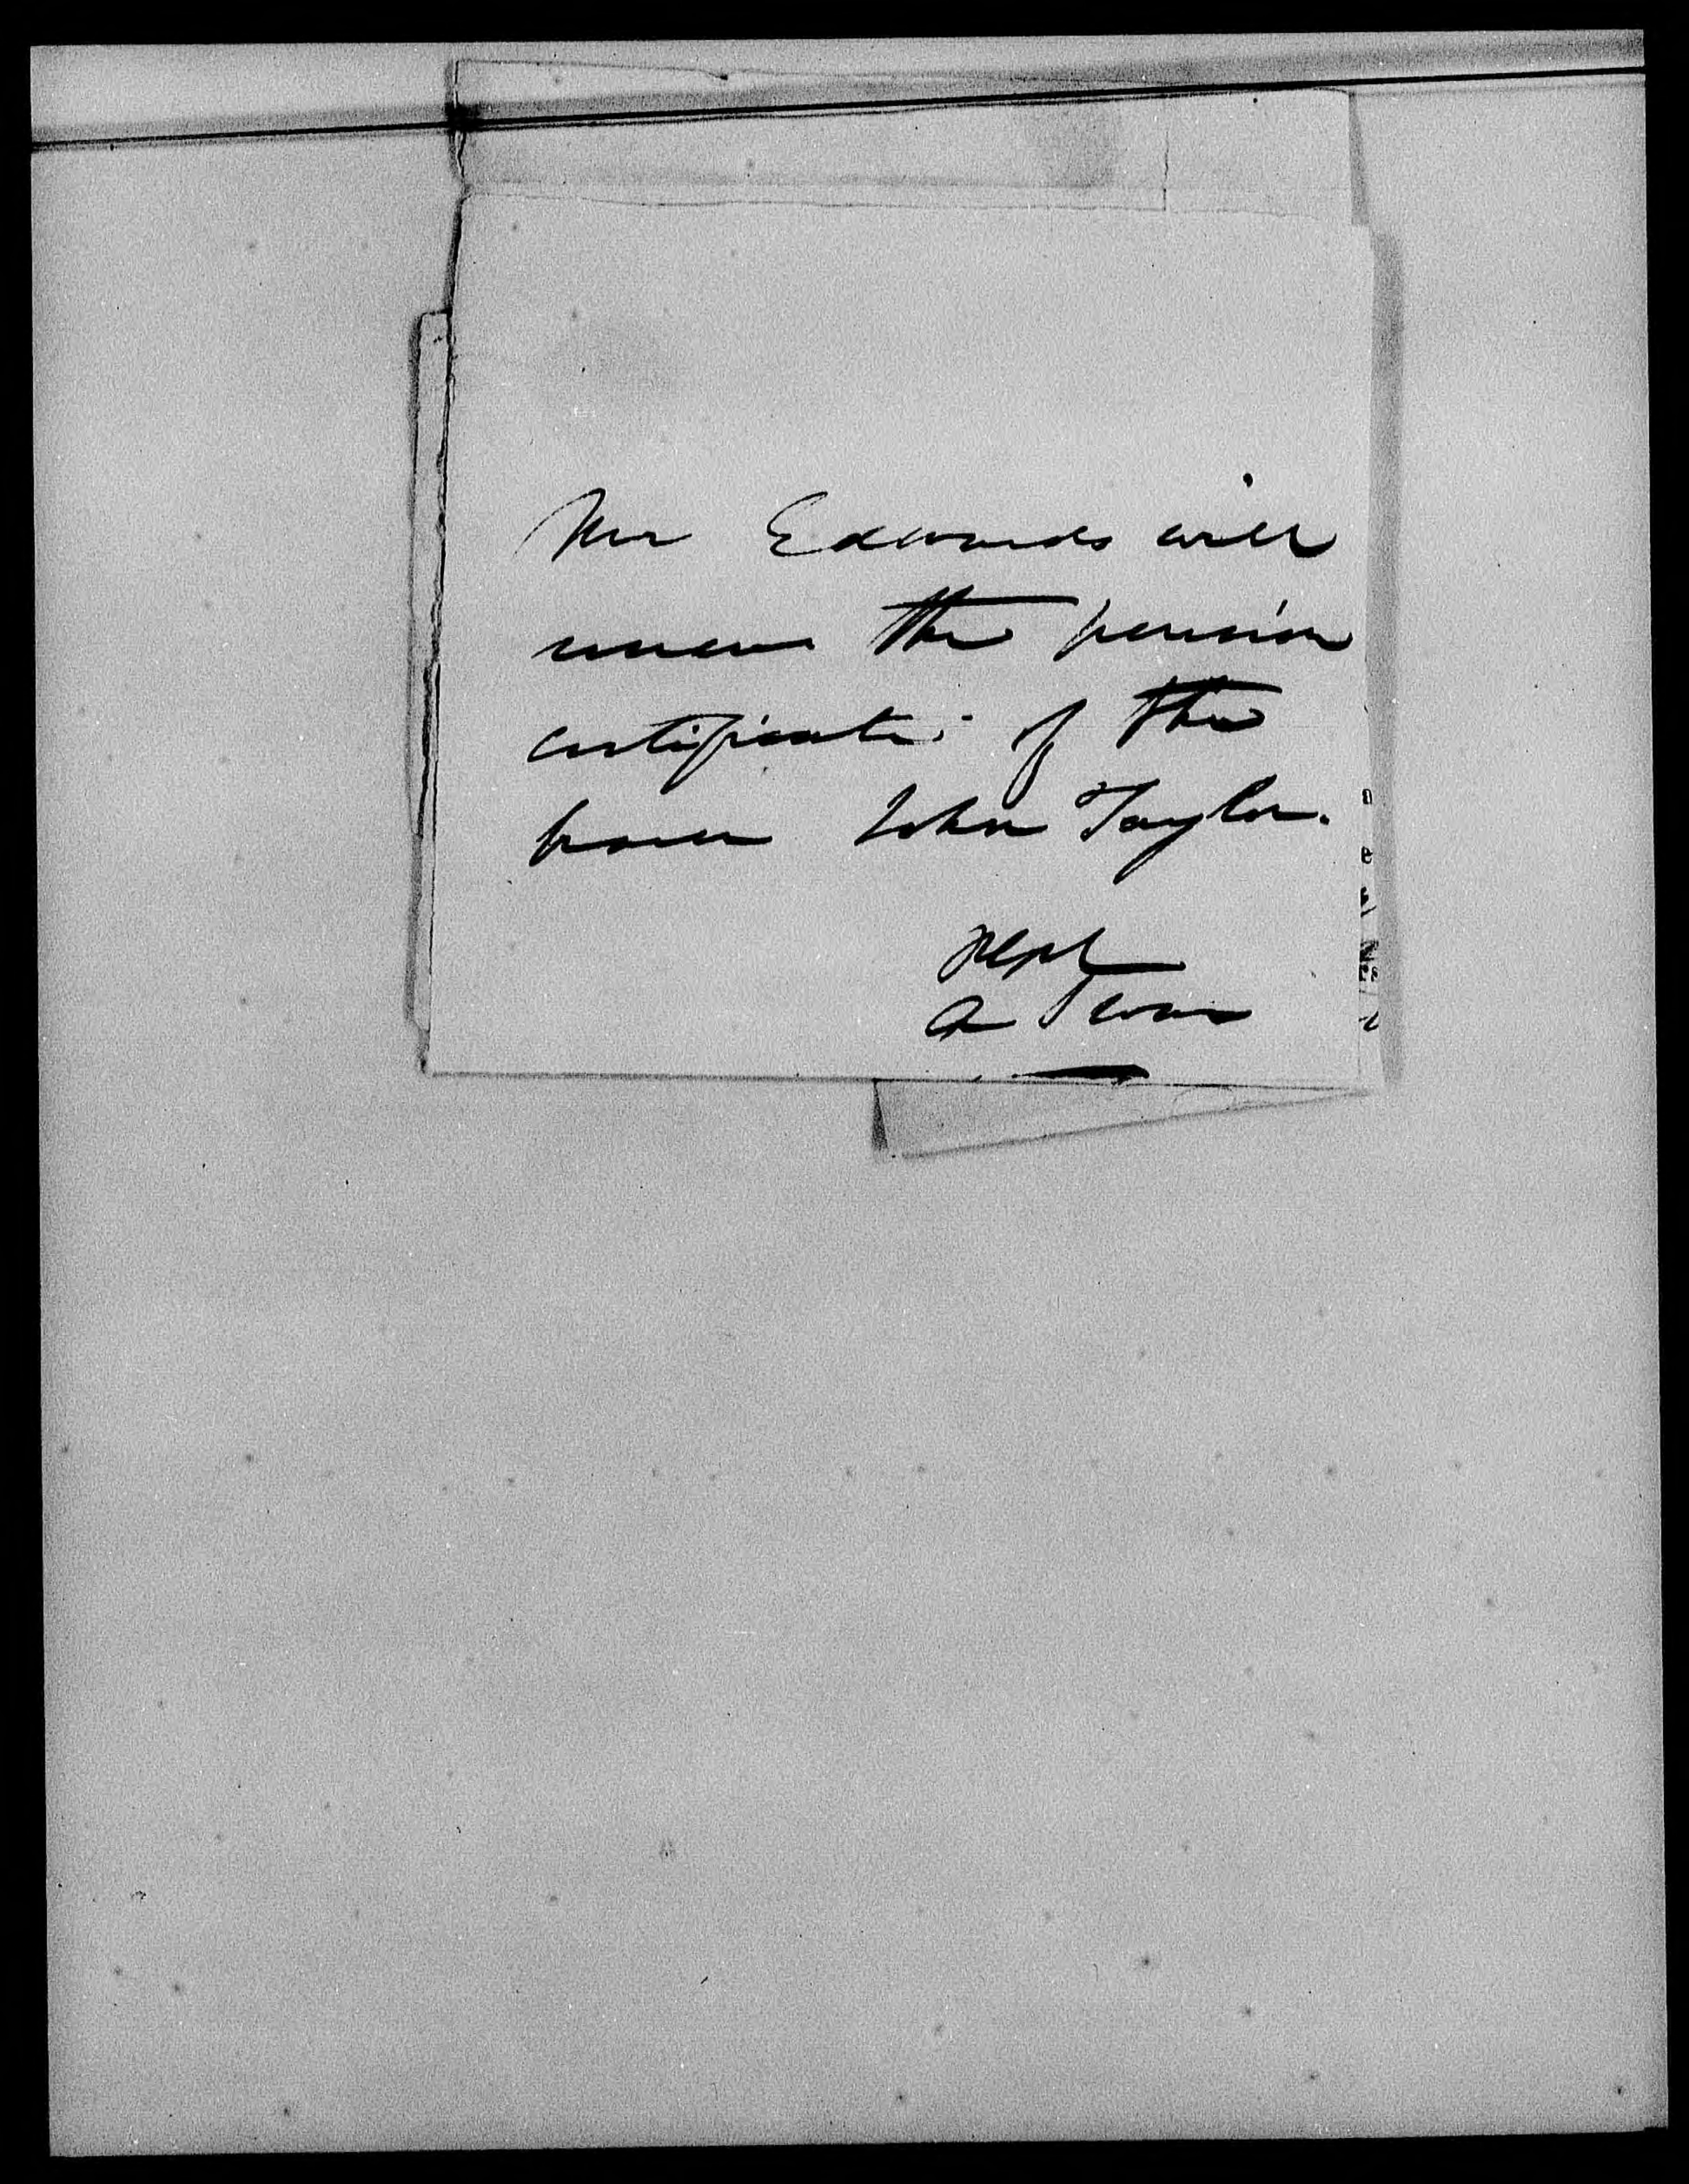Mr Edwards will 
renew the pension 
certificate of the 
pensr John Taylor
[illegible]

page: 14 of 18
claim: survivor's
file: S. 37,483, for John Taylor, Maryland